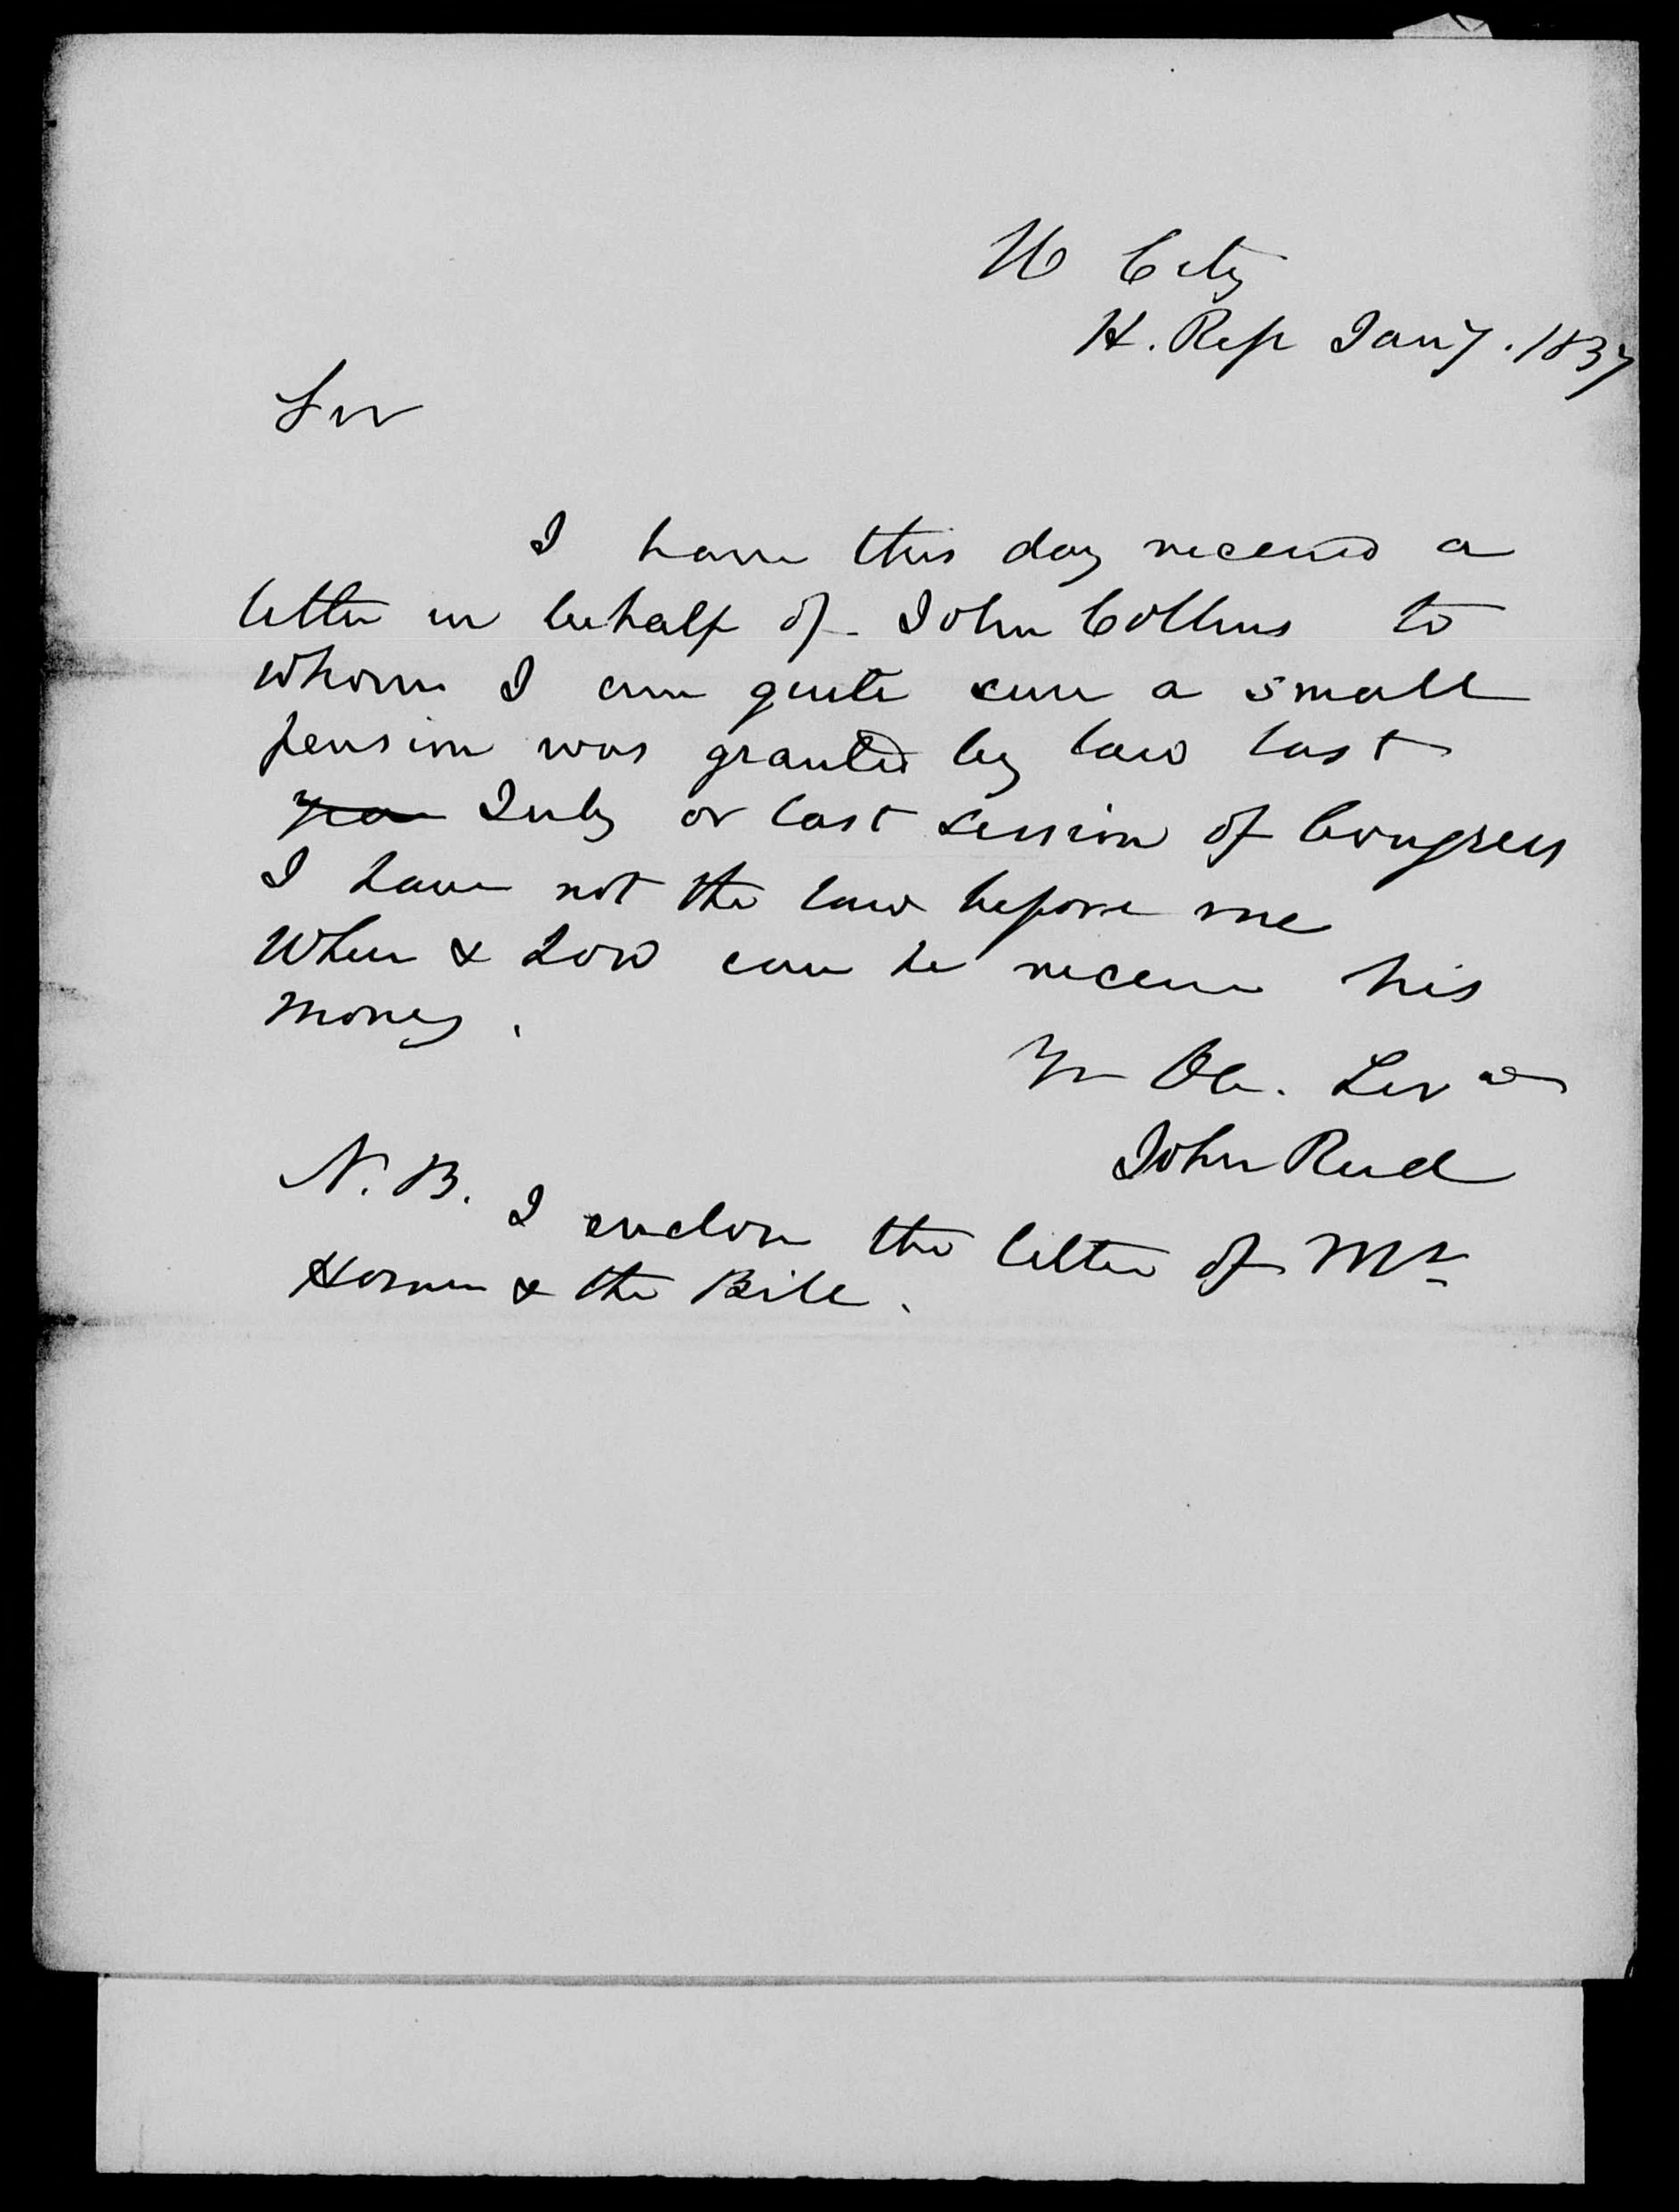W City H. Rep Jany 183 

Sir
I have this day received a letter in behalf of John Collins  to whom I am quite cer a small pension was granted by law last year July or last session of Congress I have not the law before me. When & how can he receive his money 
Yr Ob Servt
John  Reed 

N.B. I I enclose the letter of Mrs Horner & the Bill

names: Homer, John Reed, John Collins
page: 15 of 43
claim: survivor's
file: S. 29,732, John Collins, Mass. Navy